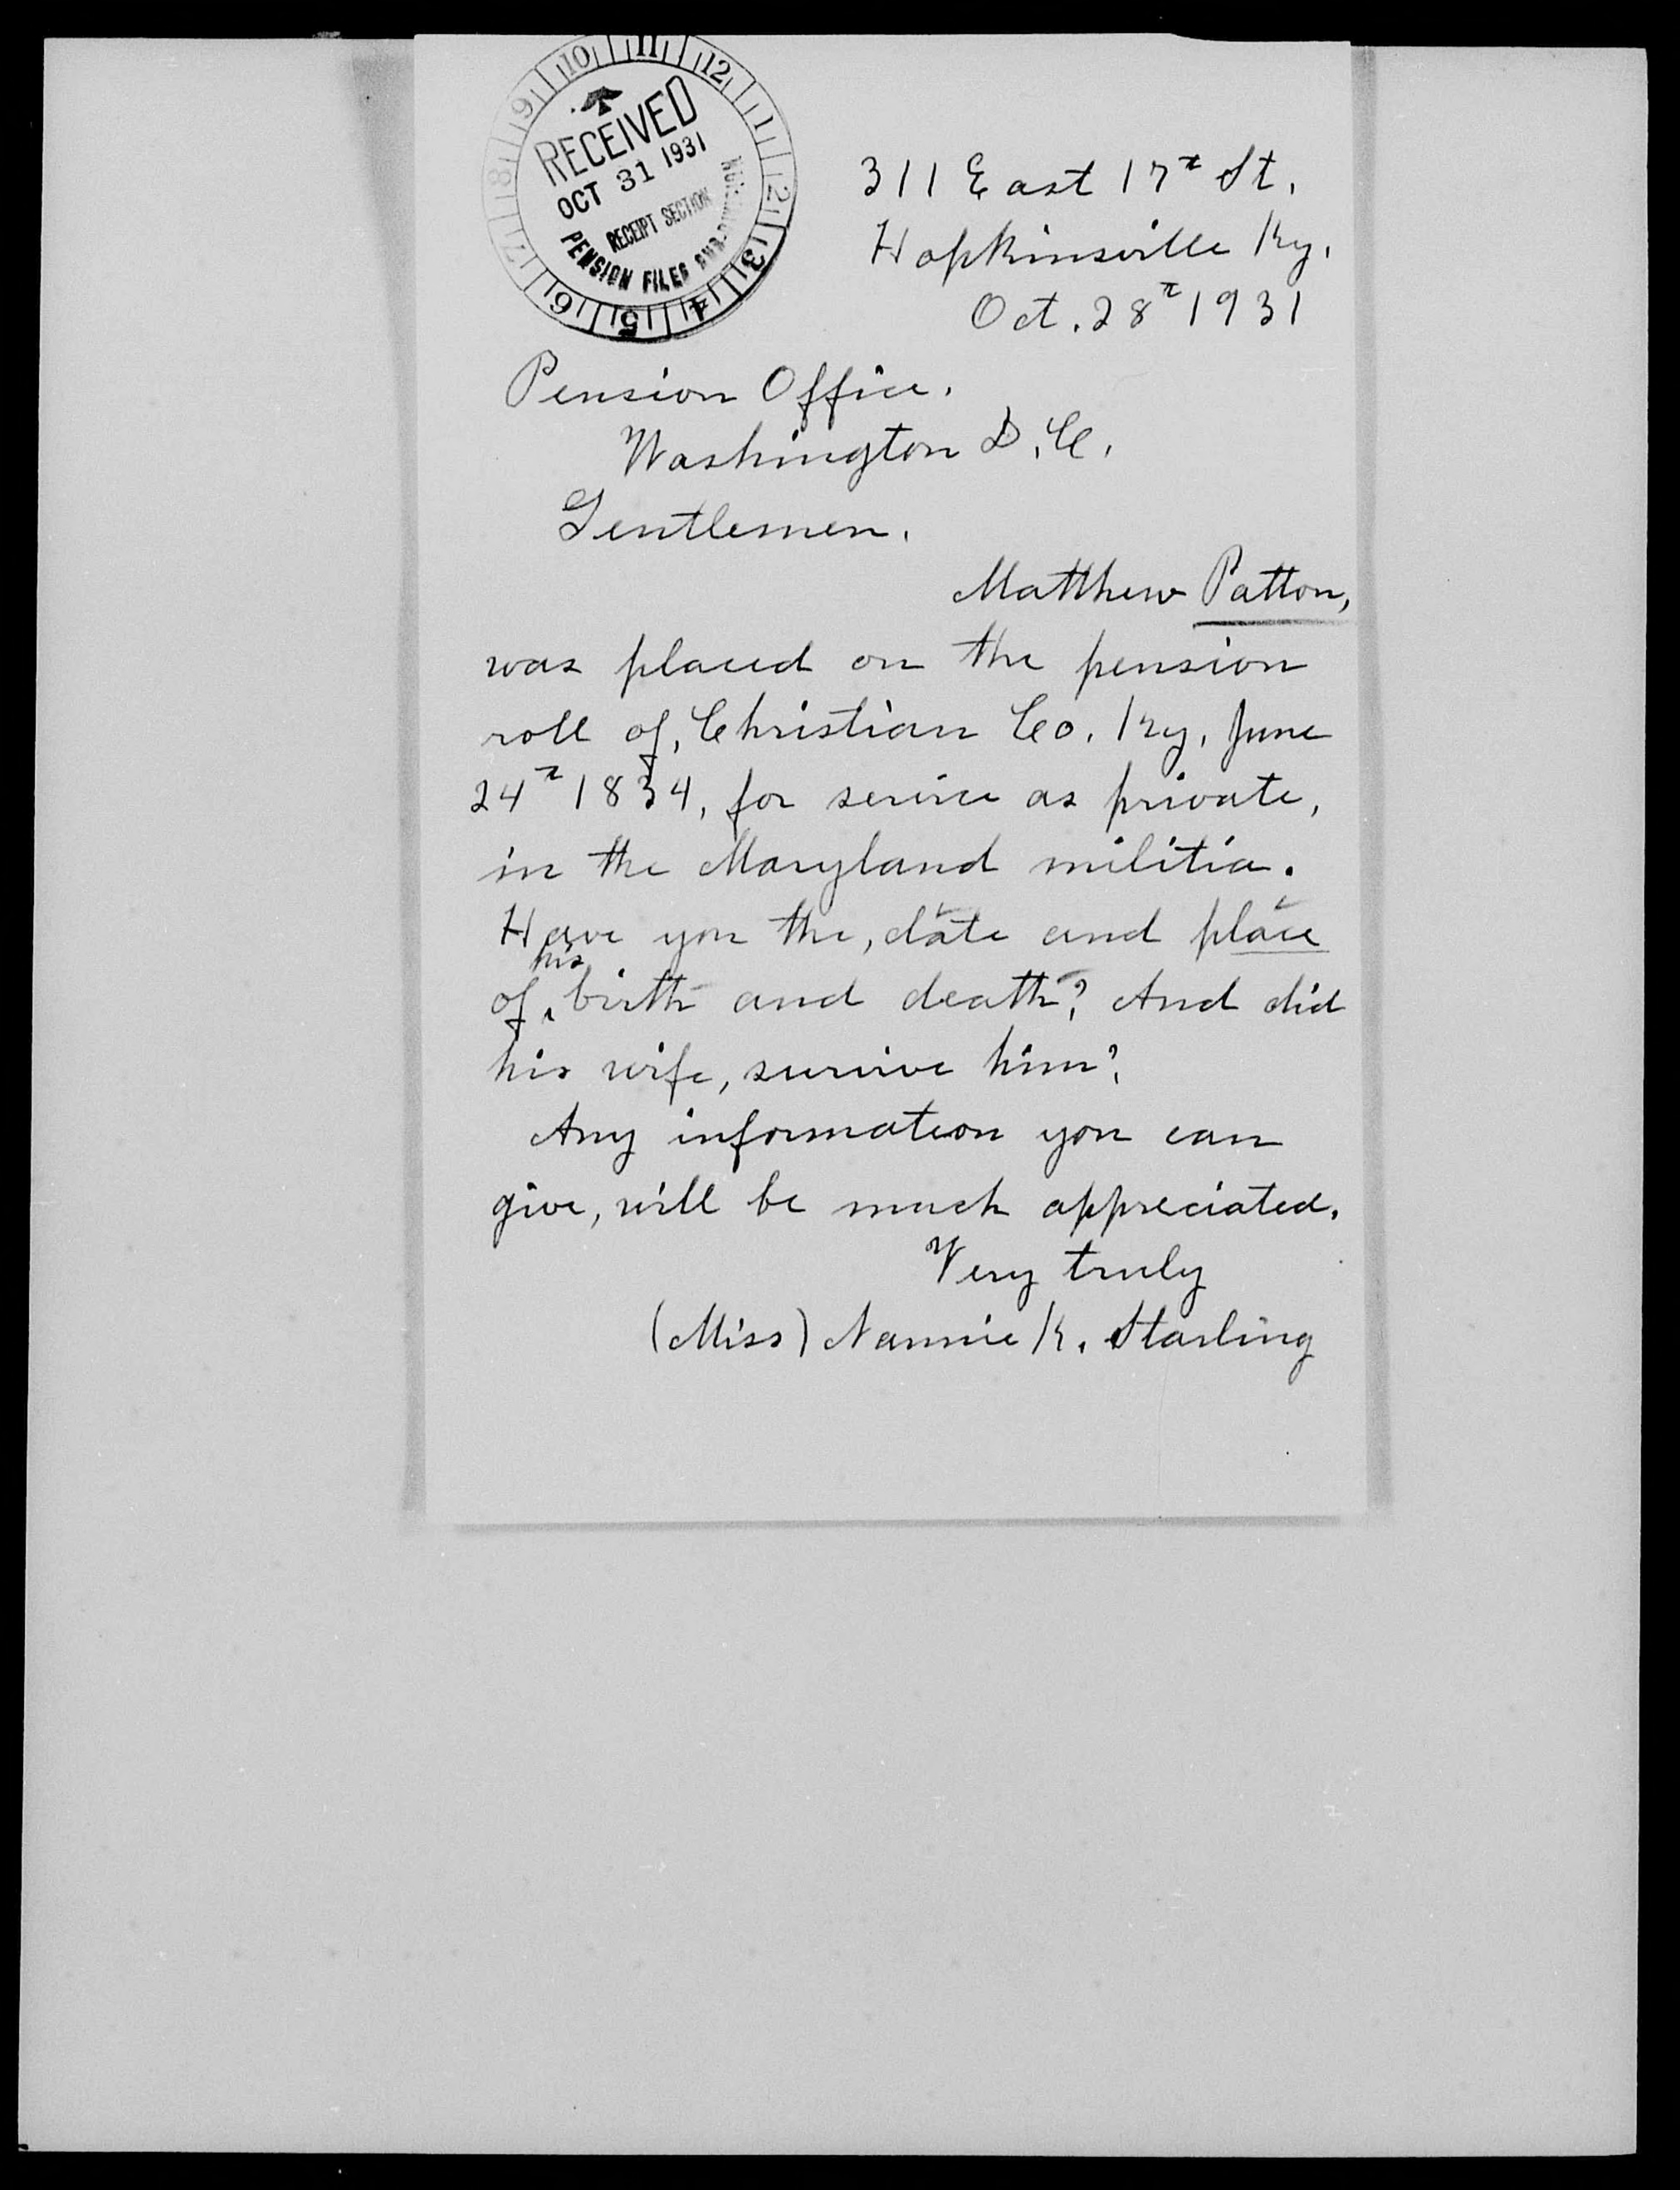311 East 17th St,
Hagerstown, Md
Oct. 28, 1931

Pension Office,
Washington D.C.,

Gentlemen,

Matthew Patton was placed on the pension
roll of Christian Co., Ky., June
24, 1834, for service as a private,
in the Maryland militia.
Have you the date and place
of birth and death, and did
his wife survive him?
Any information you can
give, will be much appreciated.

Very truly,
(Mrs.) Annie L. Harding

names: Nannie K Starling; Matthew Patton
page: 24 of 45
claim: survivor's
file: S. 31294, for Matthew Patton, Maryland